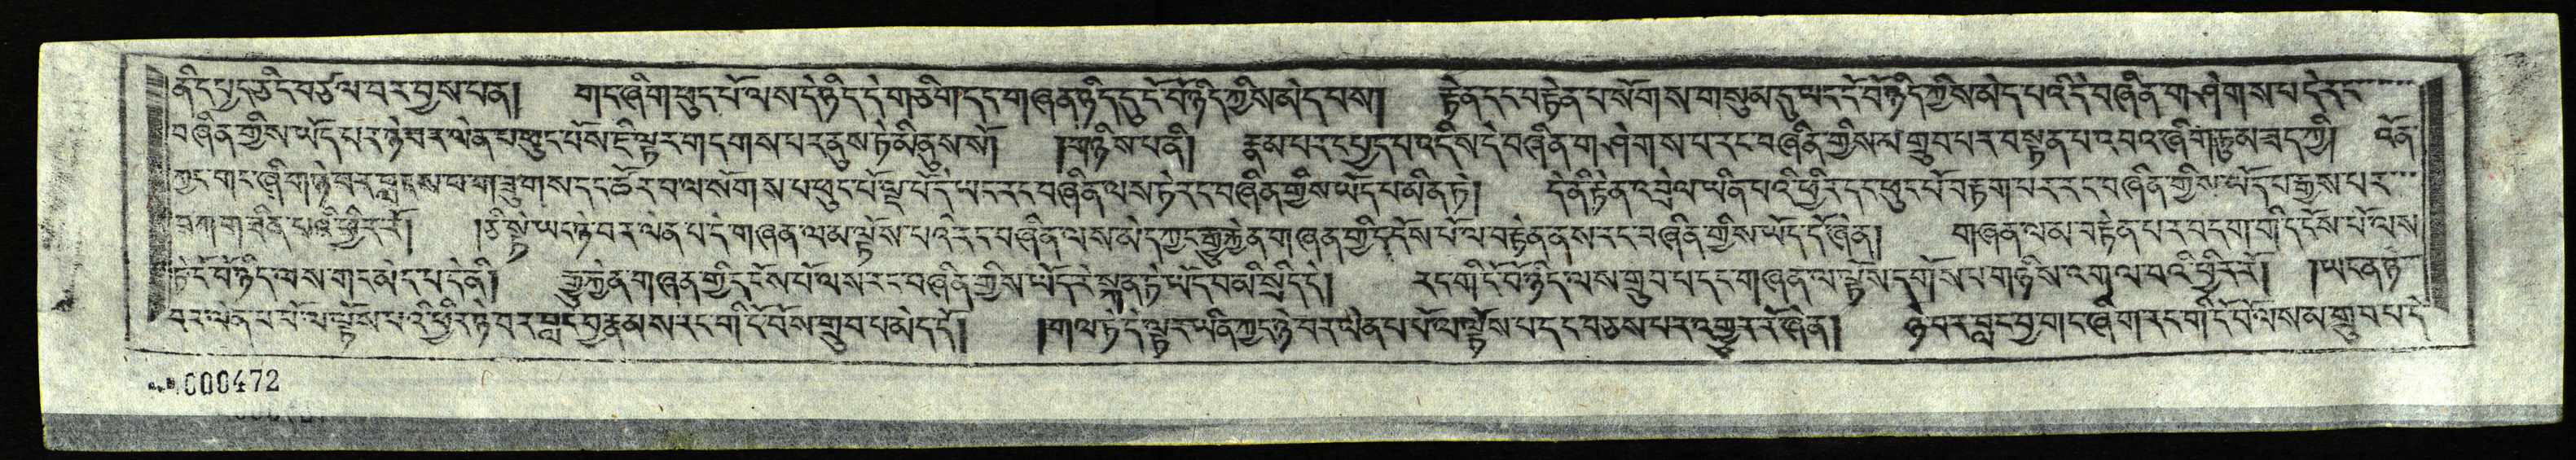ནི་དཔྱད་ཅིང་བཙལ་བར་བྱས་པ་ན། གང་ཞིག་ཕུང་པོ་ལས་དེ་ཉིད་དེ་གཅིག་དང་གཞན་ཉིད་དུ་ངོ་བོ་ཉིད་ཀྱིས་མེད་པས། རྟེན་དང་བརྟེན་པ་སོགས་གསུམ་དུ་ཡང་ངོ་བོ་ཉིད་ཀྱིས་མེད་པའི་དེ་བཞིན་གཤེགས་པ་དེ་རང་
བཞིན་གྱིས་ཡོད་པར་ཉེ་བར་ལེན་པ་ཕུང་པོས་ཇི་ལྟར་གདགས་པར་ནུས་ཏེ་མི་ནུས་སོ། །གཉིས་པ་ནི། རྣམ་པར་དཔྱད་པ་འདིས་དེ་བཞིན་གཤེགས་པ་རང་བཞིན་གྱིས་མ་གྲུབ་པར་བསྟན་པ་འབའ་ཞིག་ཏུ་མ་ཟད་ཀྱི། འོན་
ཀྱང་གང་ཞིག་ཉེ་བར་བླངས་པ་གཟུགས་དང་ཚོར་བ་ལ་སོགས་པ་ཕུང་པོ་ལྔ་པོ་དེ་ཡང་རང་བཞིན་ལས་ཏེ་རང་བཞིན་གྱིས་ཡོད་པ་མིན་ཏེ། དེ་ནི་རྟེན་འབྲེལ་ཡིན་པའི་ཕྱིར་དང་ཕུང་པོ་བརྟག་པར་རང་བཞིན་གྱིས་ཡོད་པ་རྒྱས་པར་
བཀག་ཟིན་པའི་ཕྱིར་རོ། །ཅི་སྟེ་ཡང་ཉེ་བར་ལེན་པ་དེ་གཞན་ལ་མ་ལྟོས་པའི་རང་བཞིན་ལས་མེད་ཀྱང་རྒྱུ་རྐྱེན་གཞན་གྱི་དངོས་པོ་ལ་བརྟེན་ནས་རང་བཞིན་གྱིས་ཡོད་དོ་ཞེ་ན། གཞན་ལ་མ་བརྟེན་པར་བདག་གི་དངོས་པོ་ལས་
ཏེ་ངོ་བོ་ཉིད་ལས་གང་མེད་པ་དེ་ནི། རྒྱུ་རྐྱེན་གཞན་གྱི་དངོས་པོ་ལས་རང་བཞིན་གྱིས་ཡོད་རེ་སྐན་ཏེ་ཡོད་པ་མི་སྲིད་དེ། རང་གི་ངོ་བོ་ཉིད་ལས་གྲུབ་པ་དང་གཞན་ལ་ལྟོས་དགོས་པ་གཉིས་འགལ་བའི་ཕྱིར་རོ། །ཡང་ན་ཉེ་
བར་ལེན་པ་པོ་ལ་ལྟོས་པའི་ཕྱིར་ཉེ་བར་བླང་བྱ་རྣམས་རང་གི་ངོ་བོས་གྲུབ་པ་མེད་དོ། །གལ་ཏེ་དེ་ལྟར་ཡིན་ཀྱང་ཉེ་བར་ལེན་པ་པོ་ལ་ལྟོས་པ་དང་བཅས་པར་འགྱུར་རོ་ཞེ་ན། ཉེ་བར་བླང་བྱ་གང་ཞིག་རང་གི་ངོ་བོ་ལས་མ་གྲུབ་པ་དེ་